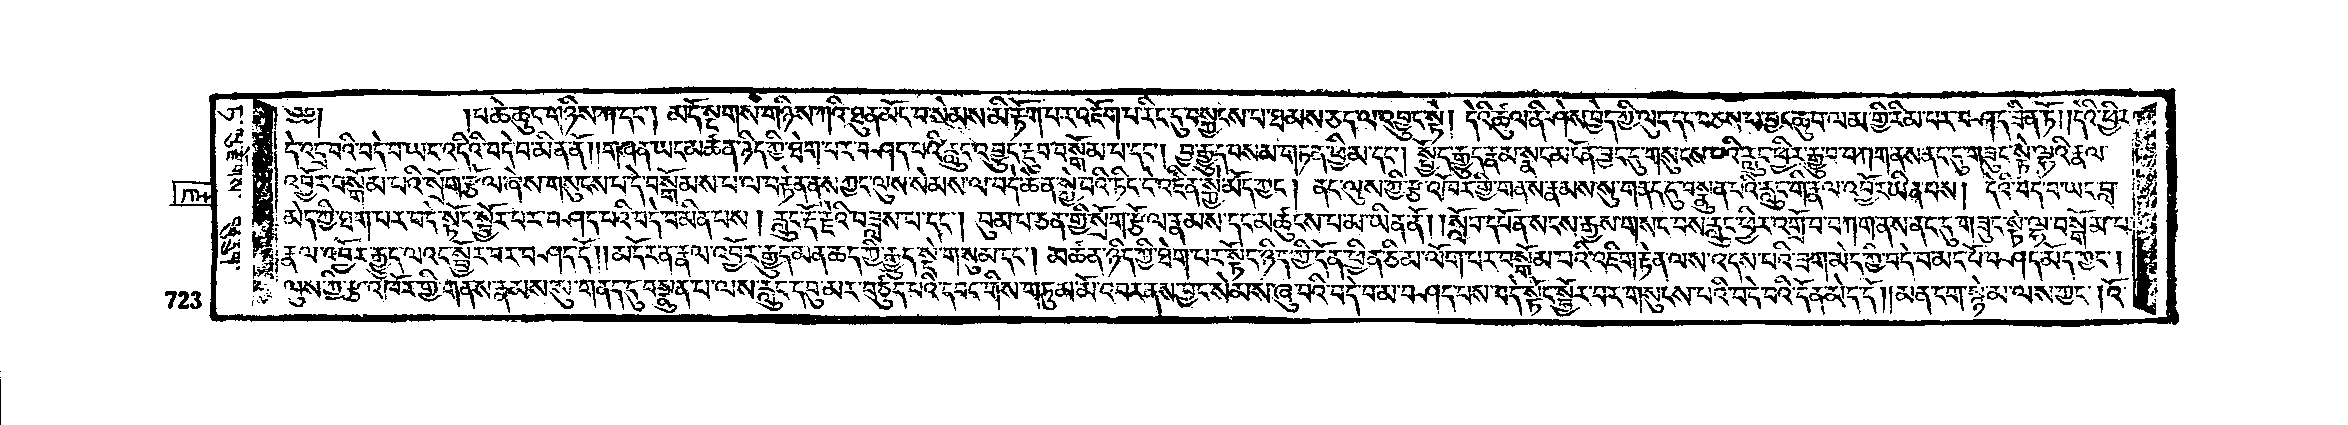༄༅། །པ་ཆེ་ཆུང་གཉིས་ཀ་དང་། མདོ་སྔགས་གཉིས་ཀའི་ཐུན་མོང་བ་སེམས་མི་རྟོག་པར་འཇོག་པ་རིང་དུ་བསྐྱངས་པ་ཐམས་ཅད་ལ་འབྱུང་སྟེ། དེའི་ཚུལ་ནི་ཤེས་བྱེད་ཀྱི་ལུང་དང་བཅས་པ་བྱང་ཆུབ་ལམ་གྱི་རིམ་པར་བཤད་ཟིན་ཏོ། །དེའི་ཕྱིར་
དེ་འདྲ་བའི་བདེ་བ་ཡང་འདིའི་བདེ་བ་མིན་ནོ། །གཞན་ཡང་མཚན་ཉིད་ཀྱི་ཐེག་པར་བཤད་པའི་རླུང་འབྱུང་རྡུབ་བསྒོམ་པ་དང་། བྱ་རྒྱུད་བསམ་གཏན་ཕྱི་མ་དང་། སྤྱོད་རྒྱུད་རྣམ་སྣང་མངོན་བྱང་དུ་གསུངས་པའི་རླུང་ཕྱིར་རྒྱུ་བ་བཀག་ནས་ནང་དུ་གཟུང་སྟེ་ལྷའི་རྣལ་
འབྱོར་བསྒོམ་པའི་སྲོག་རྩོལ་ཞེས་གསུངས་པ་དེ་བསྒོམས་པ་ལ་བརྟེན་ནས་ཀྱང་ལུས་སེམས་ལ་བདེ་ཆེན་སྐྱེ་བའི་ཏིང་ངེ་འཛིན་སྐྱེ་མོད་ཀྱང་། ནང་ལུས་ཀྱི་རྩ་འཁོར་གྱི་གནས་རྣམས་སུ་གནད་དུ་བསྣུན་པའི་རླུང་གི་རྣལ་འབྱོར་མིན་པས། དེའི་བདེ་བ་ཡང་བླ་
མེད་ཀྱི་ཐེག་པར་བདེ་སྟོང་སྦྱོར་པར་བཤད་པའི་བདེ་བ་མིན་པས། རླུང་རྡོ་རྗེའི་བཟླས་པ་དང་། བུམ་པ་ཅན་གྱི་སྲོག་རྩོལ་རྣམས་དང་མཚུངས་པ་མ་ཡིན་ནོ། །སློབ་དཔོན་སངས་རྒྱས་གསང་བས་རླུང་ཕྱིར་འགྲོ་བ་བཀག་ནས་ནང་དུ་གཟུང་སྟེ་ལྷ་བསྒོམ་པ་
རྣལ་འབྱོར་རྒྱུད་ལའང་སྦྱོར་བར་བཤད་དོ། །མདོར་ན་རྣལ་འབྱོར་རྒྱུད་མན་ཆད་ཀྱི་རྒྱུད་སྡེ་གསུམ་དང་། མཚན་ཉིད་ཀྱི་ཐེག་པར་སྟོང་ཉིད་ཀྱི་དོན་ཕྱིན་ཅི་མ་ལོག་པར་བསྒོམ་པའི་འཇིག་རྟེན་ལས་འདས་པའི་ཟག་མེད་ཀྱི་བདེ་བ་མང་པོ་བཤད་མོད་ཀྱང་།
ལུས་ཀྱི་རྩ་འཁོར་གྱི་གནས་རྣམས་སུ་གནད་དུ་བསྣུན་པ་ལས་རླུང་དབུ་མར་བཙུད་པའི་དབང་གིས་གཏུམ་མོ་འབར་ནས་བྱང་སེམས་ཞུ་བའི་བདེ་བ་མ་བཤད་པས་བདེ་སྟོང་སྦྱོར་བར་གསུངས་པའི་བདེ་བའི་དོན་མེད་དོ། །མན་ངག་སྙེ་མ་ལས་ཀྱང་། འོ་